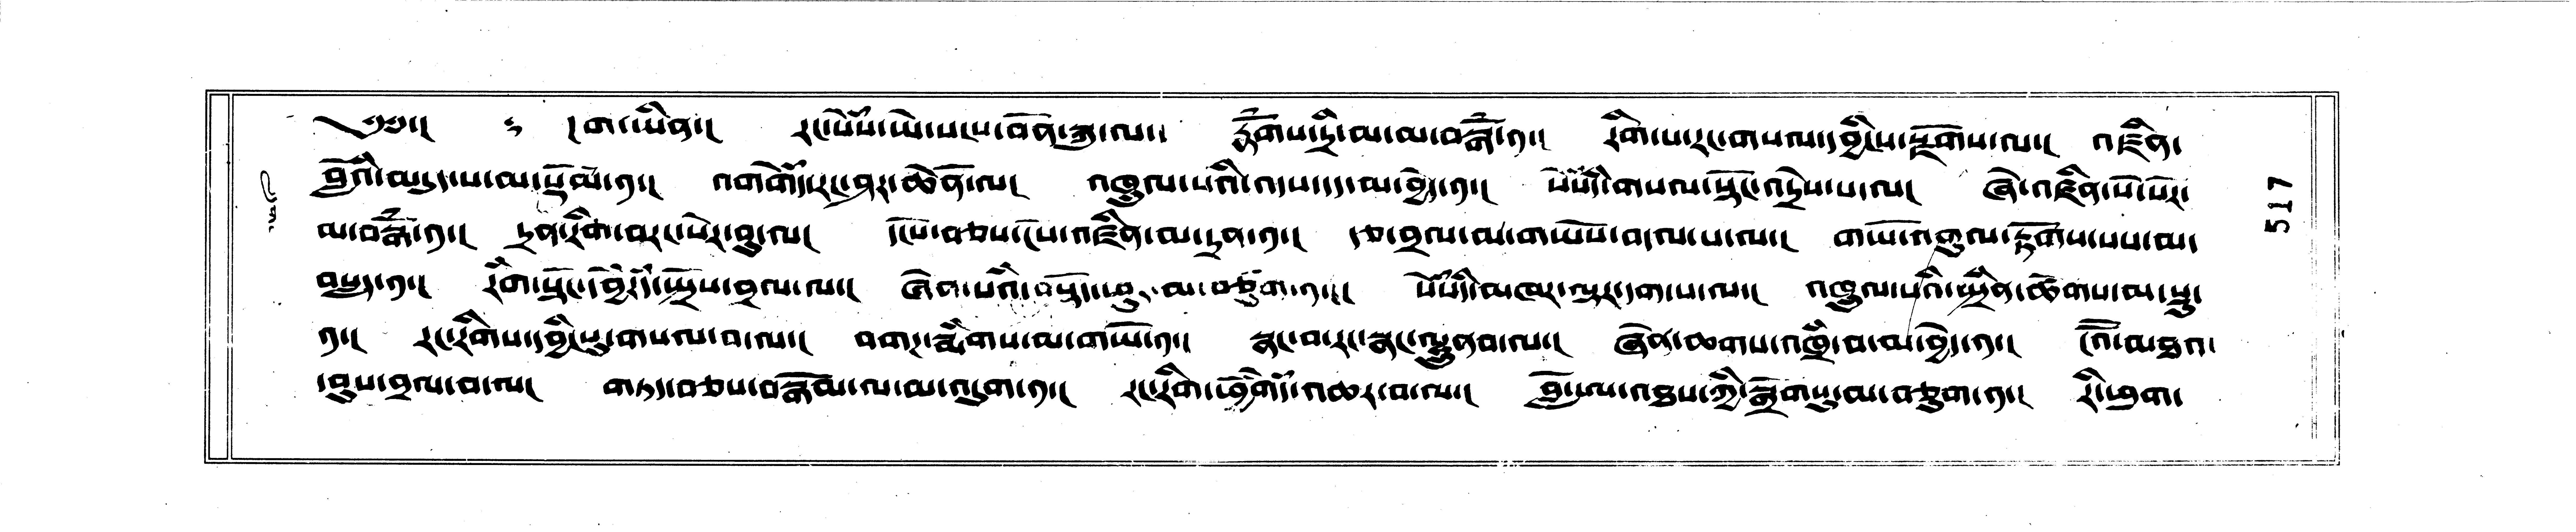ཀ་ཡིན། རང་སེམས་ཡེ་སངས་བོན་སྐུ་ལ། རྣམ་རྟོག་དྲི་མ་མ་བསྒོམ་ཅིག རིག་པ་རང་གསལ་དབྱིངས་རྫོགས་ལ། འཛིན་
བློའི་མདུད་པ་མ་སྡོམ་ཅིག གྷག་(འགག)་མེད་རང་ཤར་ཆེན་པོ་ལ། འཁྲུལ་པ་བདའ་དེད་མ་བྱེད་ཅིག སེམས་ཉིད་གསལ་སྟོང་འདྲེས་པ་ལ། ཞེན་འཛིན་སོ་སོར་
མ་བསྒོམ་ཅིག དྲན་རིག་བར་སྣང་སེར་བུ་ལ། དངོས་བཅས་དངོས་འཛིན་མ་དྲག་ཅིག རྩ་བྲལ་མ་གཡོས་བདལ་པ་ལ། གཡོ་འགུལ་རྟོག་པས་མ་
བསླད་ཅིག རིག་སྟོང་སྤྲོས་བྲལ་བདལ་བ་ལ། ཞེན་པའི་བརྟོད་ཕུར་མ་བཅུག་ཅིག སེམས་ཉིད་མཁའ་ལྟར་དག་པ་ལ། འཁྲུལ་པའི་སྤྲིན་ཚོགས་མ་བསྡུ་
ཅིག རང་རིག་དབྱིངས་སུ་གསལ་བ་ལ། བག་ཆགས་སྤྲིན་གྱི་མ་གཡོགས་ཤིག སྣང་བ་ལྷུན་གྲུབ་རང་ཤར་ལ། ཞན་ཆགས་འཁྲི་བ་མ་བྱེད་ཅིག ངོའོ་མཐའ་
དབུས་བྲལ་བ་ལ། གཏད་བཅས་སྒོམ་ལ་མ་འདུག་ཅིག རང་རིག་ཕྱོགས་མེད་འཆར་བ་ལ། བློ་ཨ་འཐས་སྒྲོགས་སུ་མ་བཅུག་ཅིག རི་ཕུག་